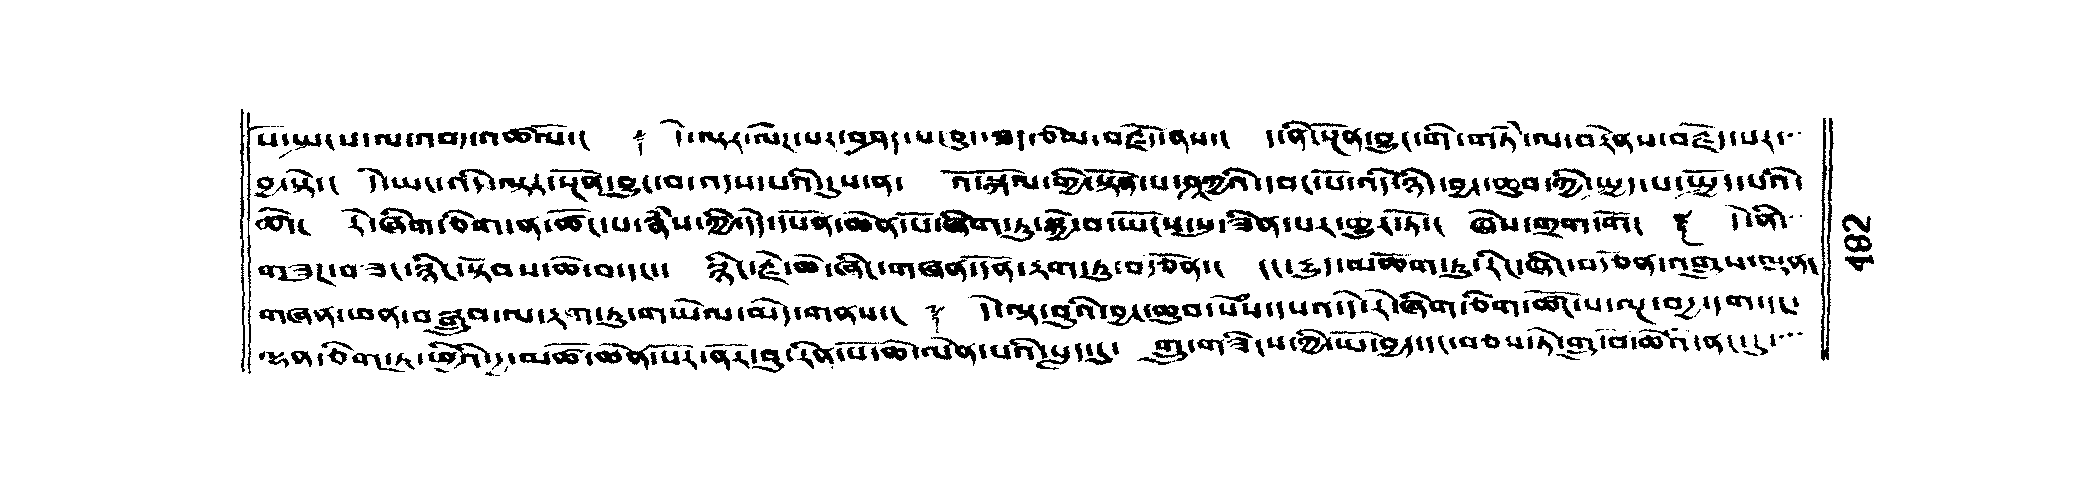པོ་སྤང་ལ་འབད་འཚལ་ལོ། དེ་ལྟར་ལེགས་པར་བཤད་པ་ཅུང་ཟད་ཙམ་བརྗོད་ནས། །ད་ནི་སྔོན་བྱུང་གི་གཏམ་ལ་བརྟེན་ནས་བརྗོད་པར་
བྱ་སྟེ། དེ་ཡང་འདི་ལྟར་སྔོན་བྱུང་བ་འདས་པའི་དུས་ན། འོ་སྐོལ་གྱི་སྟོན་པ་ཤཱཀྱའི་དབང་པོ་འདི་ཉིད་བྱང་ཆུབ་ཀྱི་སྤྱད་པ་སྤྱོད་པའི་
ཚེ། རེ་ཞིག་ཅིག་ན་ཚོང་པ་རྣམས་ཀྱི་དེད་དཔོན་ཆེན་པོ་ཞིག་ཏུ་སྐྱེ་བ་ཡོངས་སུ་ཟིན་པར་གྱུར་ཏོ། ཞེས་གྲག་གོ། དེ་ནི་
གཟུགས་བཟང་སྙིང་སྟོབས་ཆེ་བ་དང་། །སྙིང་རྗེ་ཆེ་ཞིང་གཞན་དོན་རྟག་ཏུ་བརྩོན། །ངང་རྒྱུད་མཆོག་ཏུ་རིང་ཞིང་བརྩོན་འགྲུས་ལྡན། །
གཞན་ཕན་བསྒྲུབ་ལ་རྟག་ཏུ་གཡེལ་མེད་གནས། དེ་ལྟ་བུའི་བྱང་ཆུབ་སེམས་དཔའ་དེ་རེ་ཞིག་ཅིག་ཚོང་པ་ལྔ་བརྒྱ་དག་དང་
ལྷན་ཅིག་ཏུ་ཕྱིའི་རྒྱ་མཚོ་ཆེན་པོར་ནོར་བུ་རིན་པོ་ཆེ་ལེན་པའི་སླད་དུ། གྲུ་གཟིངས་ཀྱི་ཡོ་བྱད་དང་བཅས་ཏེ་གྲུ་བོ་ཆེའི་ནང་དུ་